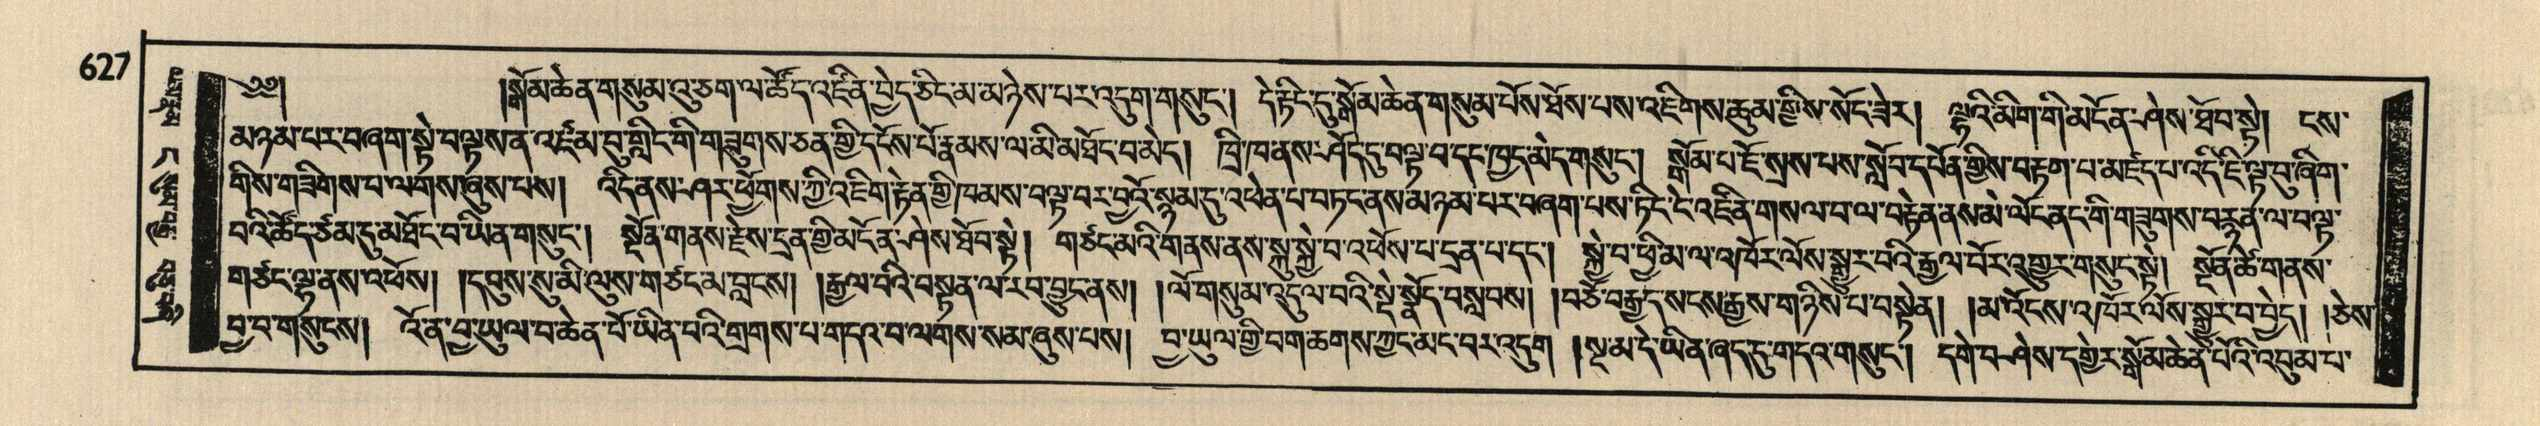༄༅། །སྒོམ་ཆེན་གསུམ་འུ་ཆག་ལ་ཚོད་འཛིན་བྱེད་ཅིང་མ་མཉེས་པར་འདུག་གསུང་། དེ་རྟིང་དུ་སྒོམ་ཆེན་གསུམ་པོས་ཐོས་པས་འཇིགས་ཆུམ་གྱིས་སོང་ཟེར། ལྷའི་མིག་གི་མངོན་ཤེས་ཐོབ་སྟེ། ངས་
མཉམ་པར་བཞག་སྟེ་བལྟས་ན་འཛམ་བུ་གླིང་གི་གཟུགས་ཅན་གྱི་དངོས་པོ་རྣམས་ལ་མི་མཐོང་བ་མེད། ཁྲི་ཁ་ནས་ཤོད་དུ་བལྟ་བ་དང་ཁྱད་མེད་གསུང་། སྒོམ་པ་ཇོ་སྲས་པས་སློབ་དཔོན་གྱིས་བརྟག་པ་མཛད་པ་འདི་ཇི་ལྟ་བུ་ཞིག་
གིས་གཟིགས་པ་ལགས་ཞུས་པས། འདི་ནས་ཤར་ཕྱོགས་ཀྱི་འཇིག་རྟེན་གྱི་ཁམས་བལྟ་བར་བྱའོ་སྙམ་དུ་འཕེན་པ་བཏང་ནས་མཉམ་པར་བཞག་པས་ཏིང་ངེ་འཛིན་གསལ་བ་ལ་བརྟེན་ནས་མེ་ལོང་ནང་གི་གཟུགས་བརྙན་ལ་བལྟ་
བའི་ཚོད་ཙམ་དུ་མཐོང་བ་ཡིན་གསུང་། སྔོན་གནས་རྗེས་དྲན་གྱི་མངོན་ཤེས་ཐོབ་སྟེ། གཙང་མའི་གནས་ནས་སྐུ་སྐྱེ་བ་འཕོས་པ་དྲན་པ་དང་། སྐྱེ་བ་ཕྱི་མ་ལ་འཁོར་ལོས་སྒྱུར་བའི་རྒྱལ་བོར་འགྱུར་གསུང་སྟེ། སྔོན་ཚེ་གནས་
གཙང་ལྷ་ནས་འཕོས། །དབུས་སུ་མི་ལུས་གཙང་མ་བླངས། །རྒྱལ་བའི་བསྟན་ལ་རབ་བྱུང་ནས། །ལོ་གསུམ་འདུལ་བའི་སྡེ་སྣོད་བསླབས། །བཙོ་བརྒྱད་སངས་རྒྱས་གཉིས་པ་བསྟེན། །མ་འོངས་འཁོར་ལོས་སྒྱུར་བ་བྱེད། །ཅེས་
བྱ་བ་གསུངས། འོ་ན་བྱ་ཡུལ་བ་ཆེན་པོ་ཡིན་པའི་གྲགས་པ་གདའ་བ་ལགས་སམ་ཞུས་པས། བྱ་ཡུལ་གྱི་བག་ཆགས་ཀྱང་མང་བར་འདུག །སྔ་མ་དེ་ཡིན་ཞད་དུ་གདའ་གསུང་། དགེ་བཤེས་དགྱེར་སྒོམ་ཆེན་པོའི་འབུམ་པ་